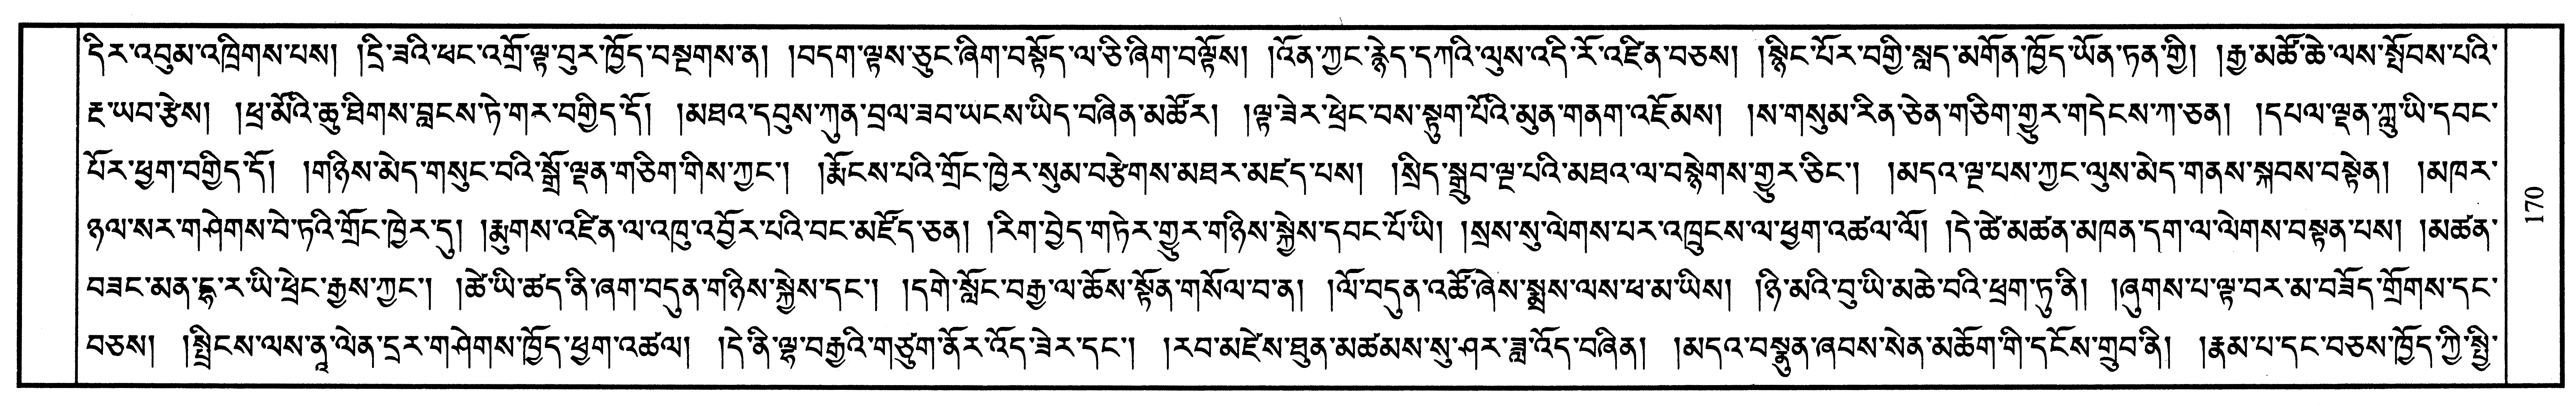དིར་འབུམ་འཁྲིགས་པས། །དྲི་ཟའི་ཕང་འགྲོ་ལྟ་བུར་ཁྱོད་བསྔགས་ན། །བདག་ལྟས་ཅུང་ཞིག་བསྟོད་ལ་ཅི་ཞིག་བལྟོས། །འོན་ཀྱང་རྙེད་དཀའི་ལུས་འདི་རོ་འཛིན་བཅས། །སྙིང་པོར་བགྱི་སླད་མགོན་ཁྱོད་ཡོན་ཏན་གྱི། །རྒྱ་མཚོ་ཆེ་ལས་སྤོབས་པའི་
རྔ་ཡབ་རྩེས། །ཕྲ་མོའི་ཆུ་ཐིགས་བླངས་ཏེ་གར་བགྱིད་དོ། །མཐའ་དབུས་ཀུན་བྲལ་ཟབ་ཡངས་ཡིད་བཞིན་མཚོར། །ལྟ་ཟེར་ཕྲེང་བས་སྟུག་པོའི་མུན་གནག་འཇོམས། །ས་གསུམ་རིན་ཅེན་གཅིག་གྱུར་གདེངས་ཀ་ཅན། །དཔལ་ལྡན་ཀླུ་ཡི་དབང་
པོར་ཕྱག་བགྱིད་དོ། །གཉིས་མེད་གསུང་བའི་སྒྲོ་ལྡན་གཅིག་གིས་ཀྱང་། །རྨོངས་པའི་གྲོང་ཁྱེར་སུམ་བརྩེགས་མཐར་མཛད་པས། །སྲིད་སྒྲུབ་ལྔ་པའི་མཐའ་ལ་བསྙེགས་གྱུར་ཅིང་། །མདའ་ལྔ་པས་ཀྱང་ལུས་མེད་གནས་སྐབས་བསྟེན། །མཁར་
ཉལ་སར་གཤེགས་བེ་ཏའི་གྲོང་ཁྱེར་དུ། །རྨུགས་འཛིན་ལ་འཁུ་འབྱོར་པའི་བང་མཛོད་ཅན། །རིག་བྱེད་གཏེར་གྱུར་གཉིས་སྐྱེས་དབང་པོ་ཡི། །སྲས་སུ་ལེགས་པར་འཁྲུངས་ལ་ཕྱག་འཚལ་ལོ། །དེ་ཚེ་མཚན་མཁན་དག་ལ་ལེགས་བསྟན་པས། །མཚན་
བཟང་མན་དྷ་ར་ཡི་ཕྲེང་རྒྱས་ཀྱང་། །ཚེ་ཡི་ཚད་ནི་ཞག་བདུན་གཉིས་སྐྱེས་དང་། །དགེ་སློང་བརྒྱ་ལ་ཆོས་སྟོན་གསོལ་བ་ན། །ལོ་བདུན་འཚོ་ཞེས་སྨྲས་ལས་ཕ་མ་ཡིས། །ཉི་མའི་བུ་ཡི་མཆེ་བའི་ཕྲག་ཏུ་ནི། །ཞུགས་པ་ལྟ་བར་མ་བཟོད་གྲོགས་དང་
བཅས། །སྤྲིངས་ལས་ནཱ་ལེན་དྲར་གཤེགས་ཁྱོད་ཕྱག་འཚལ། །དེ་ནི་ལྷ་བརྒྱའི་གཙུག་ནོར་འོད་ཟེར་དང་། །རབ་མཛེས་ཐུན་མཚམས་སུ་ཤར་ཟླ་འོད་བཞིན། །མདའ་བསྣུན་ཞབས་སེན་མཆོག་གི་དངོས་གྲུབ་ནི། །རྣམ་པ་དང་བཅས་ཁྱོད་ཀྱི་སྤྱི་